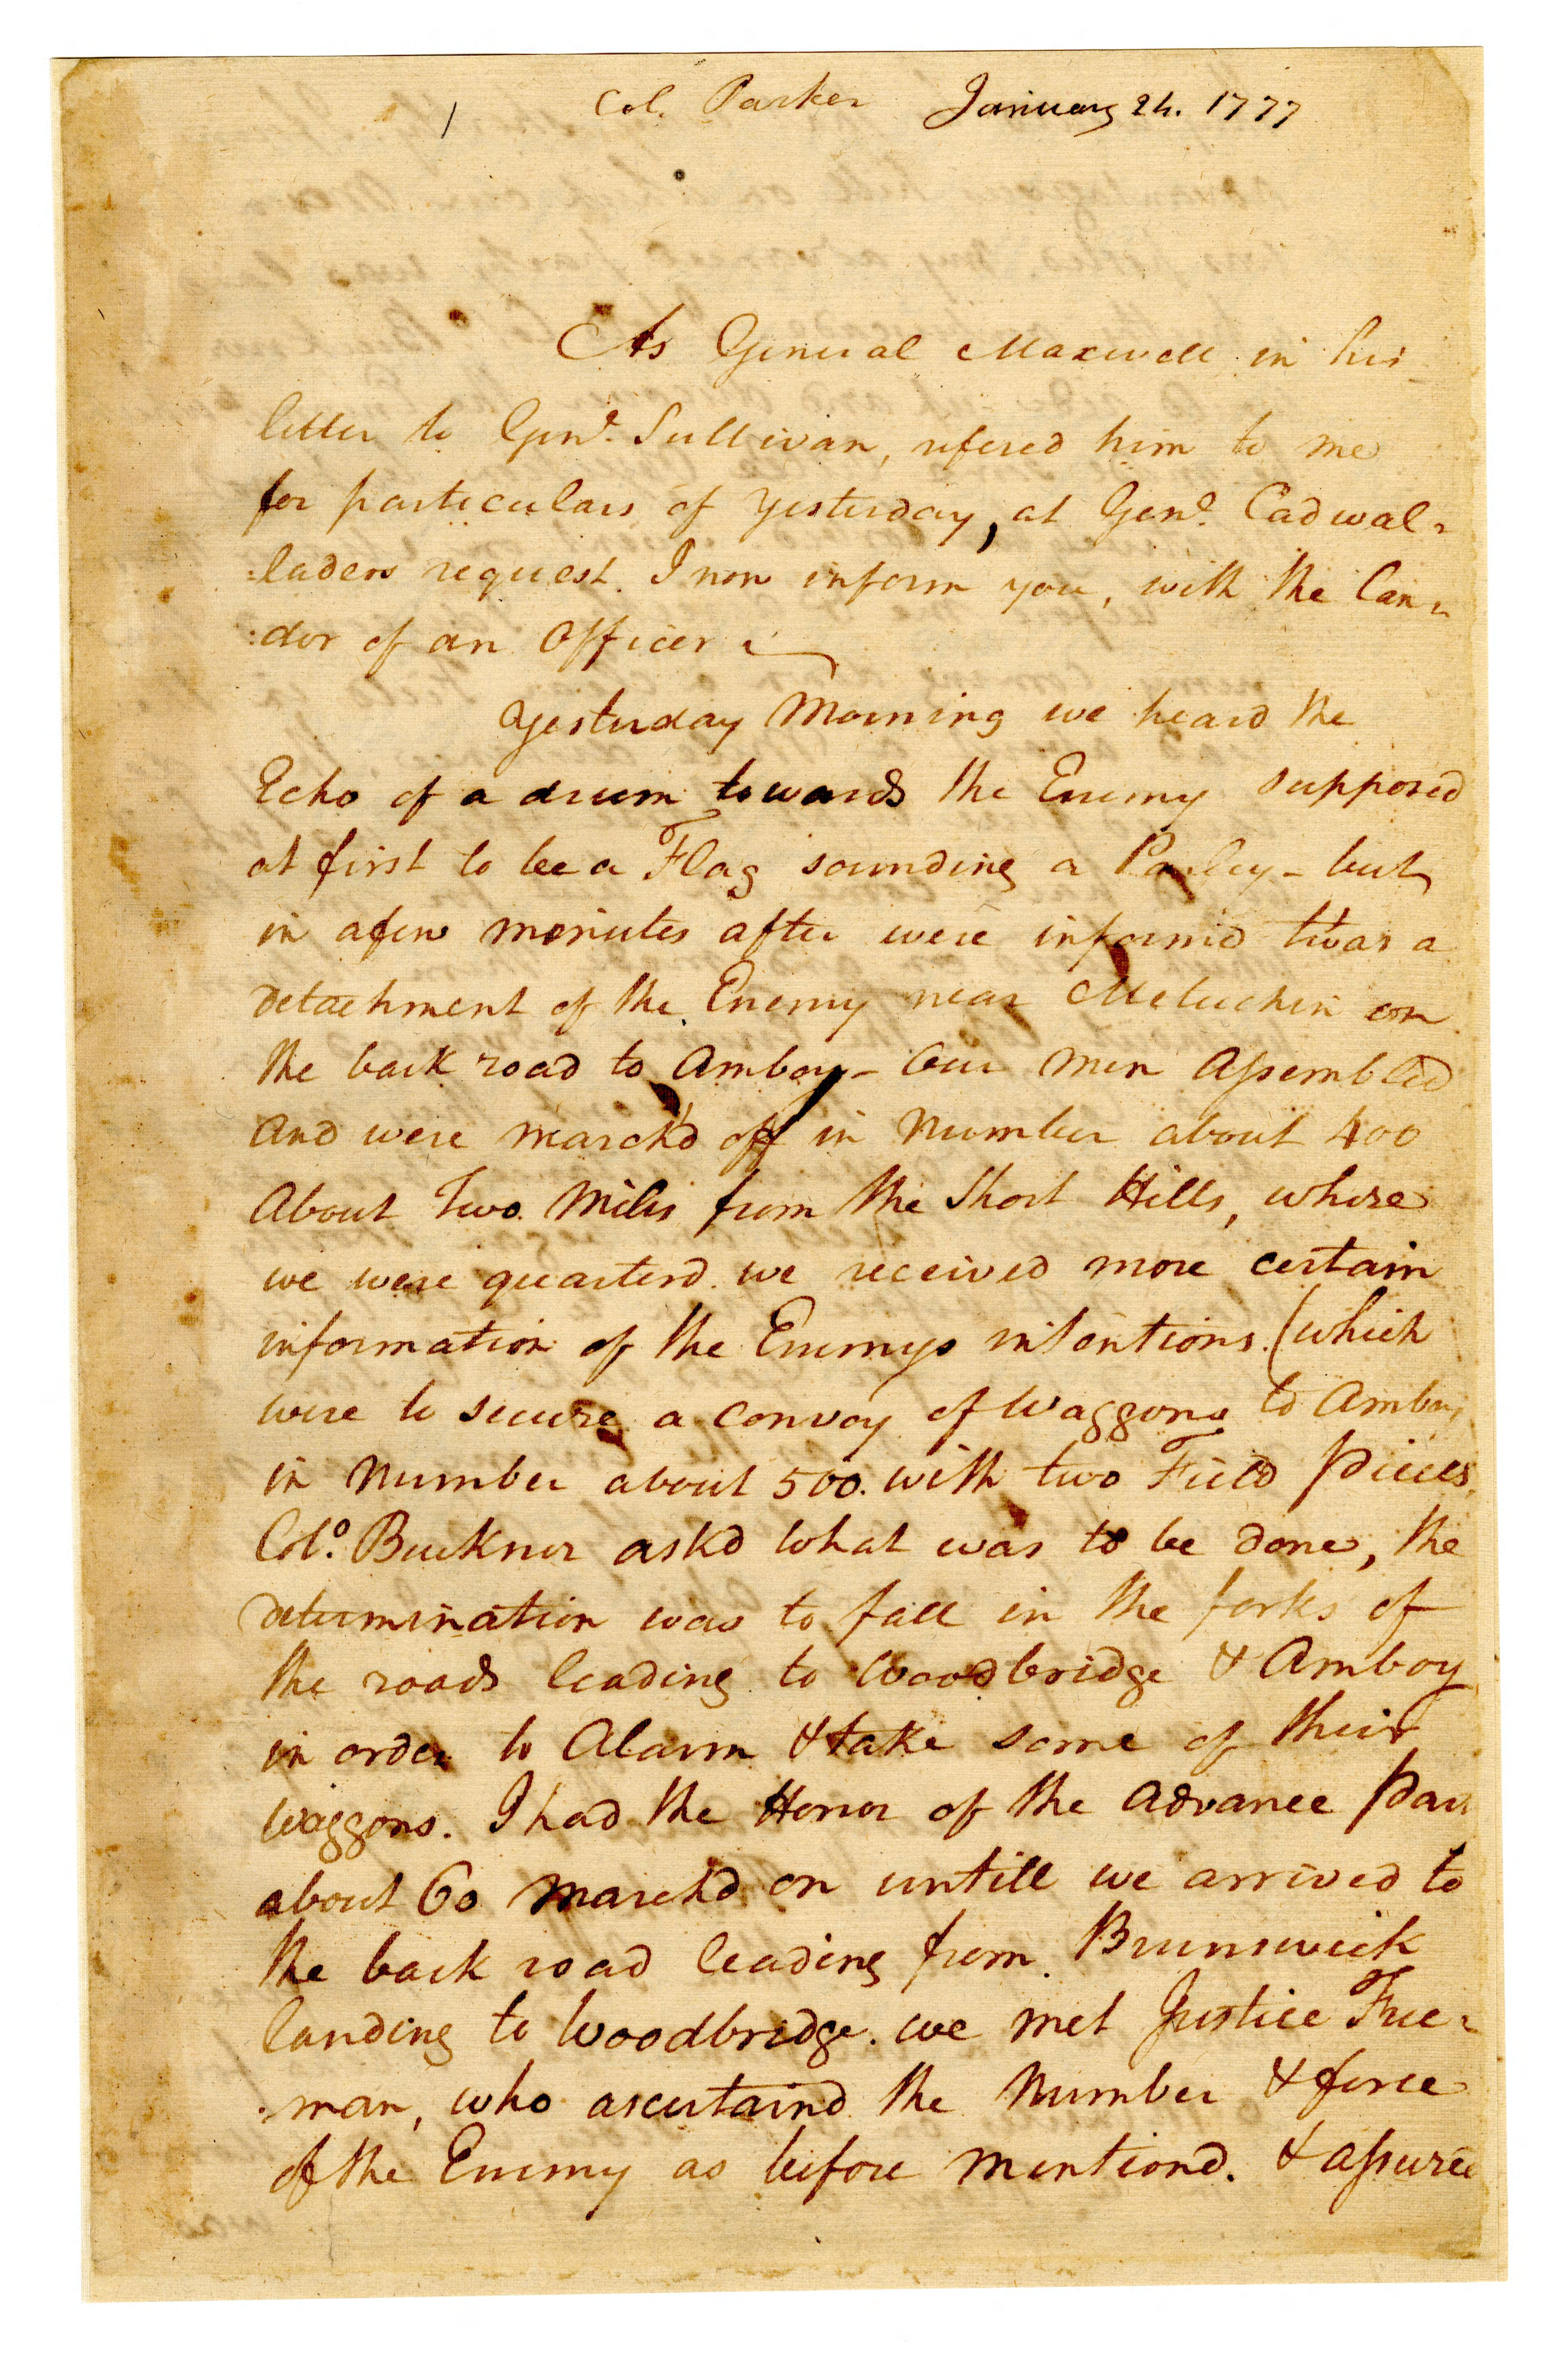January 24. 1777
Col. Parker
As General Maxwell in his
letter to Gen^l. Sullivan, refered him to me
for particulars of yesterday, at Gen^l. Cadwal-
-laders request. I now inform you, with the Can-
-dor of an Officer-
Yesterday Morning we heard the
Echo of a drum towards the Enemy supposed
at first to be a Flag sounding a Parley- but
in a few minutes after were inform'd t'was a
detachment of the Enemy near Metuchen on
the back road to Amboy- Our Men assembled
and were march'd off in Number about 400
About Two Miles from the Short Hills, where
we were quarterd. we received more certain
information of the Enemys intentions (which
were to secure a convoy of waggons to Amboy
in Number about 500 with two Field Pieces
Col^o. Buckner askd what was to be done, the
determination was to fall in the forks of
the roads leading to Woodbridge & Amboy
in order to Alarm & take some of their
Waggons. I had the Honor of the Advance Part
about 60 marchd on untill we arrived to
the back road leading from Brunswick
landing to Woodbridge. we met Justice Free-
-man, who ascertaind the Number & force
of the Enemy as before mentiond. & assured